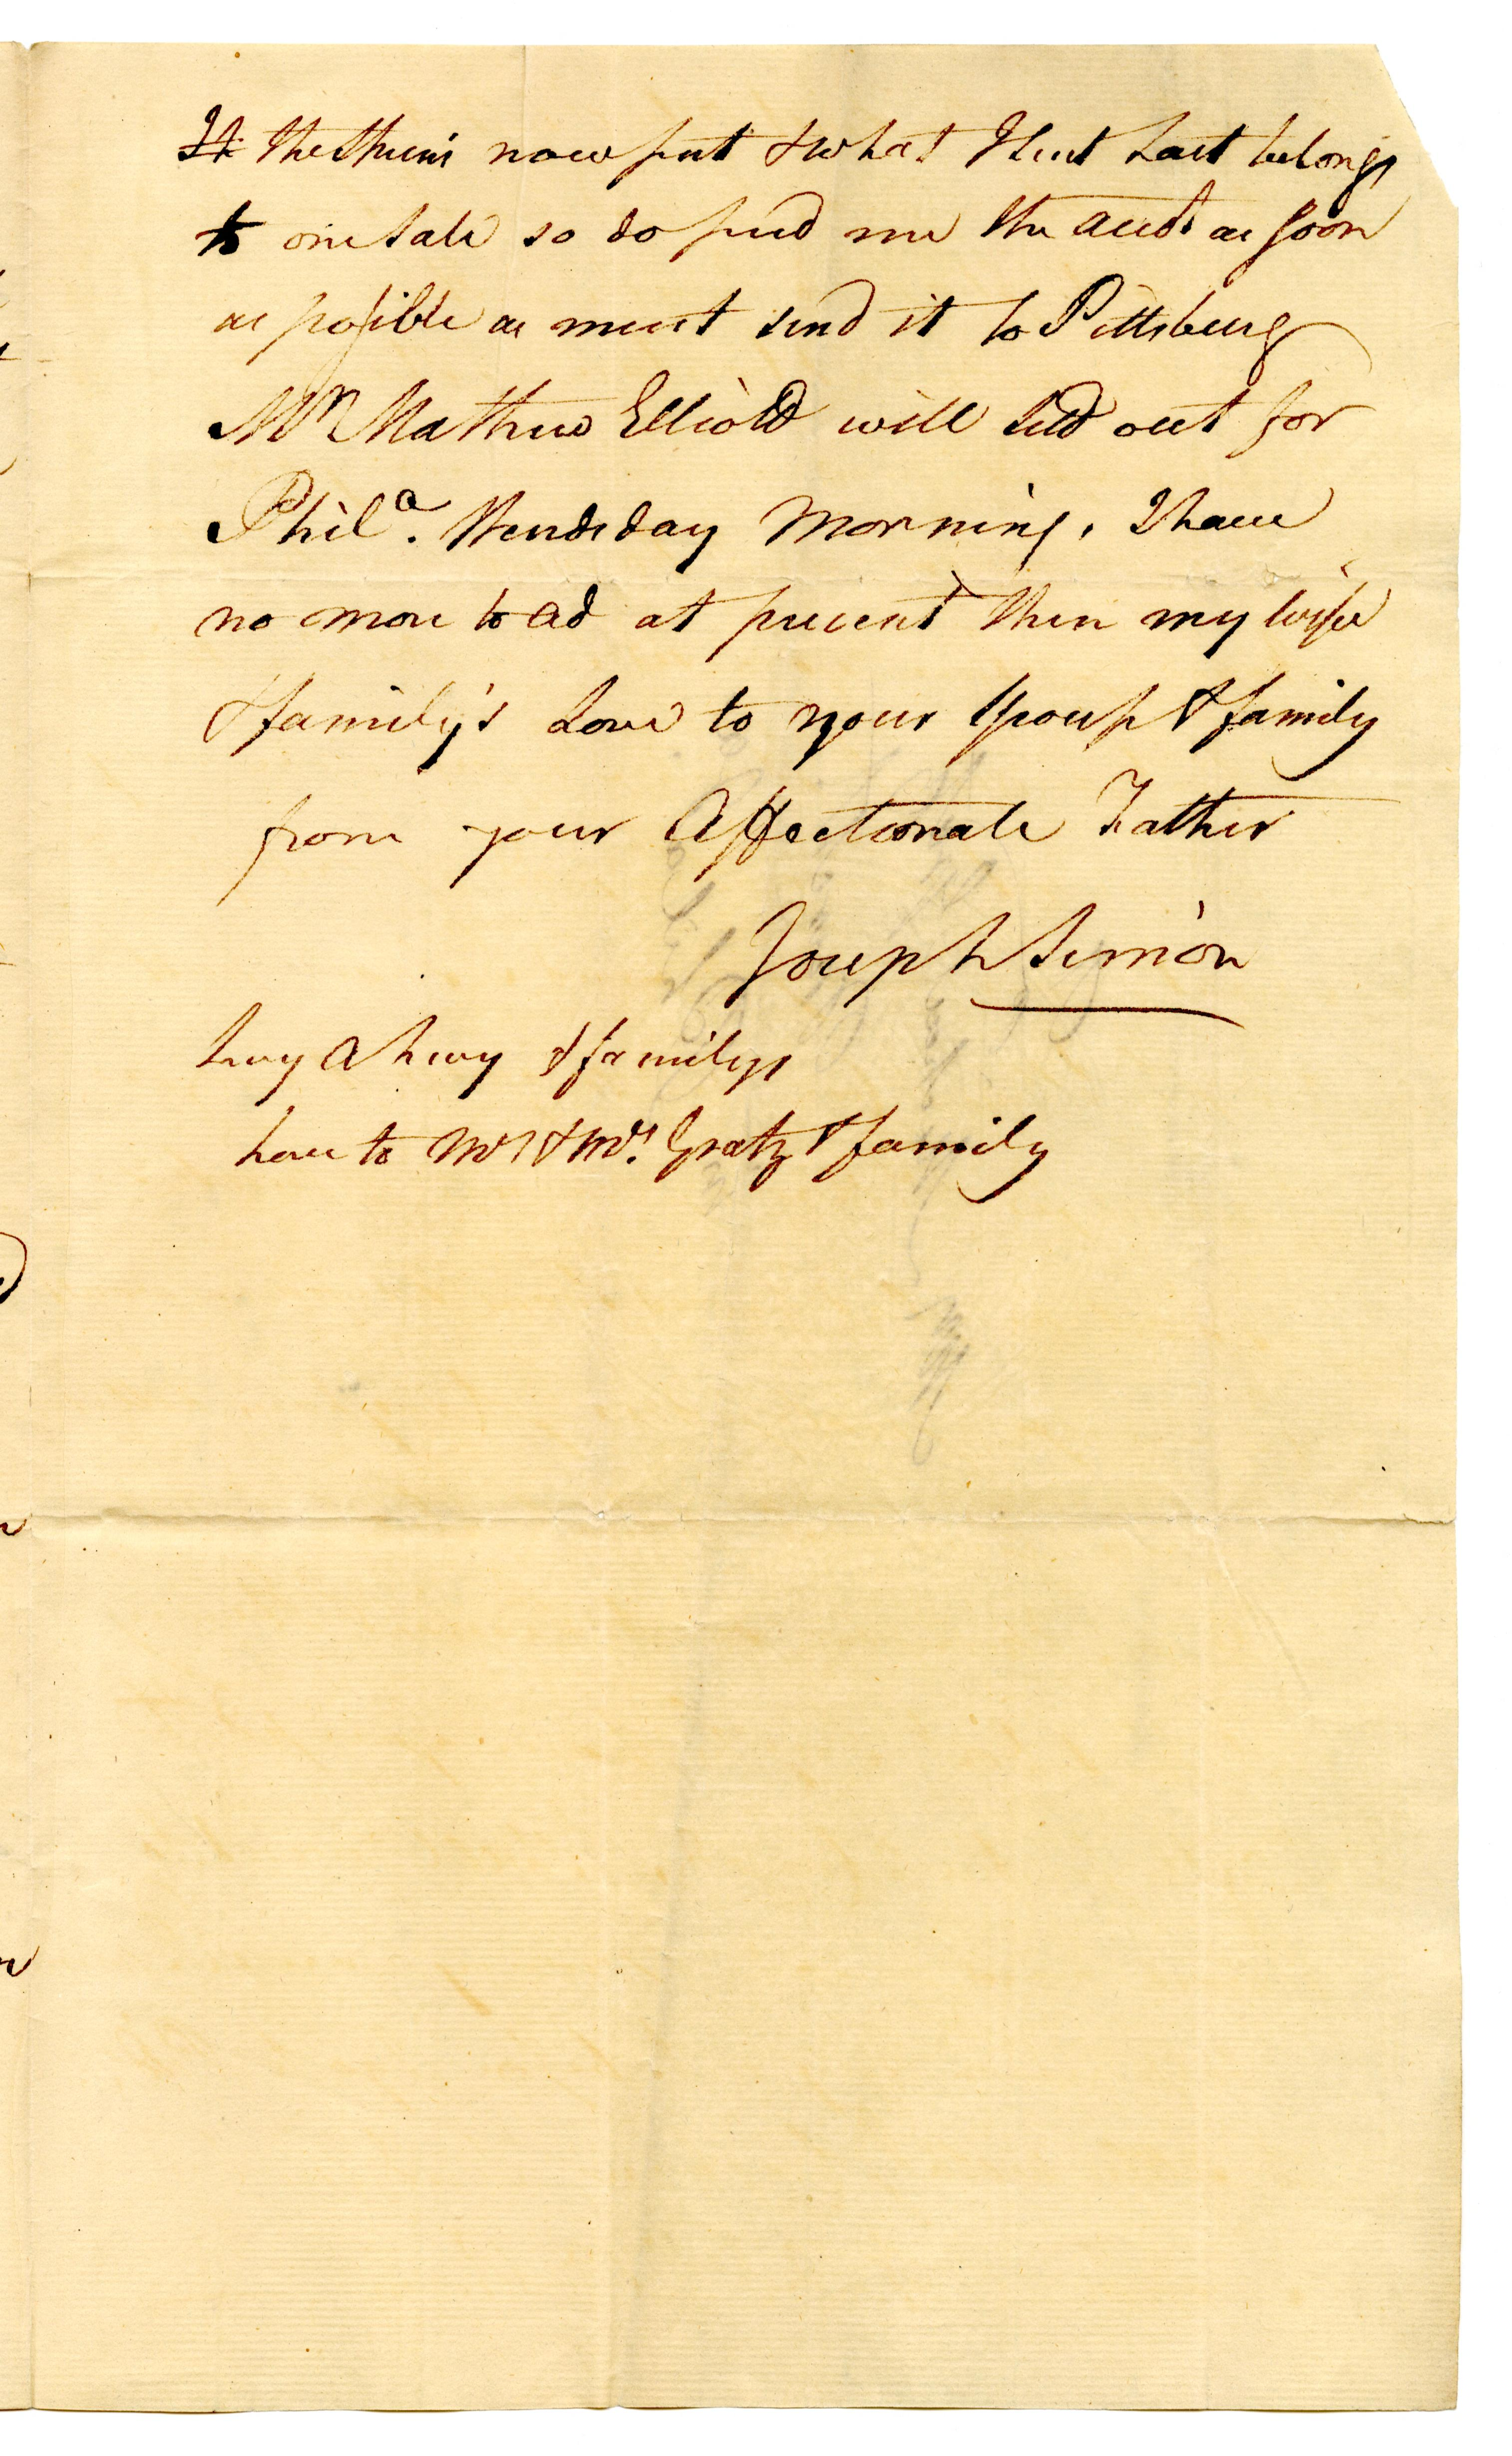[_] the skins now put & what I sent Last belongs
to one sale so do send me the acco^t as soon
as posible as must send it to Pittsburg
W^m Mathew Elliott will setd out for
Phil^a. Wendsday morning, I have
no more to ad at precent then my wife
& family's love to your spouse & family
from your Affectionate Father
Joseph Simon
Lucy A Levy & familys
love to M^r & M^rs. Gratz & family